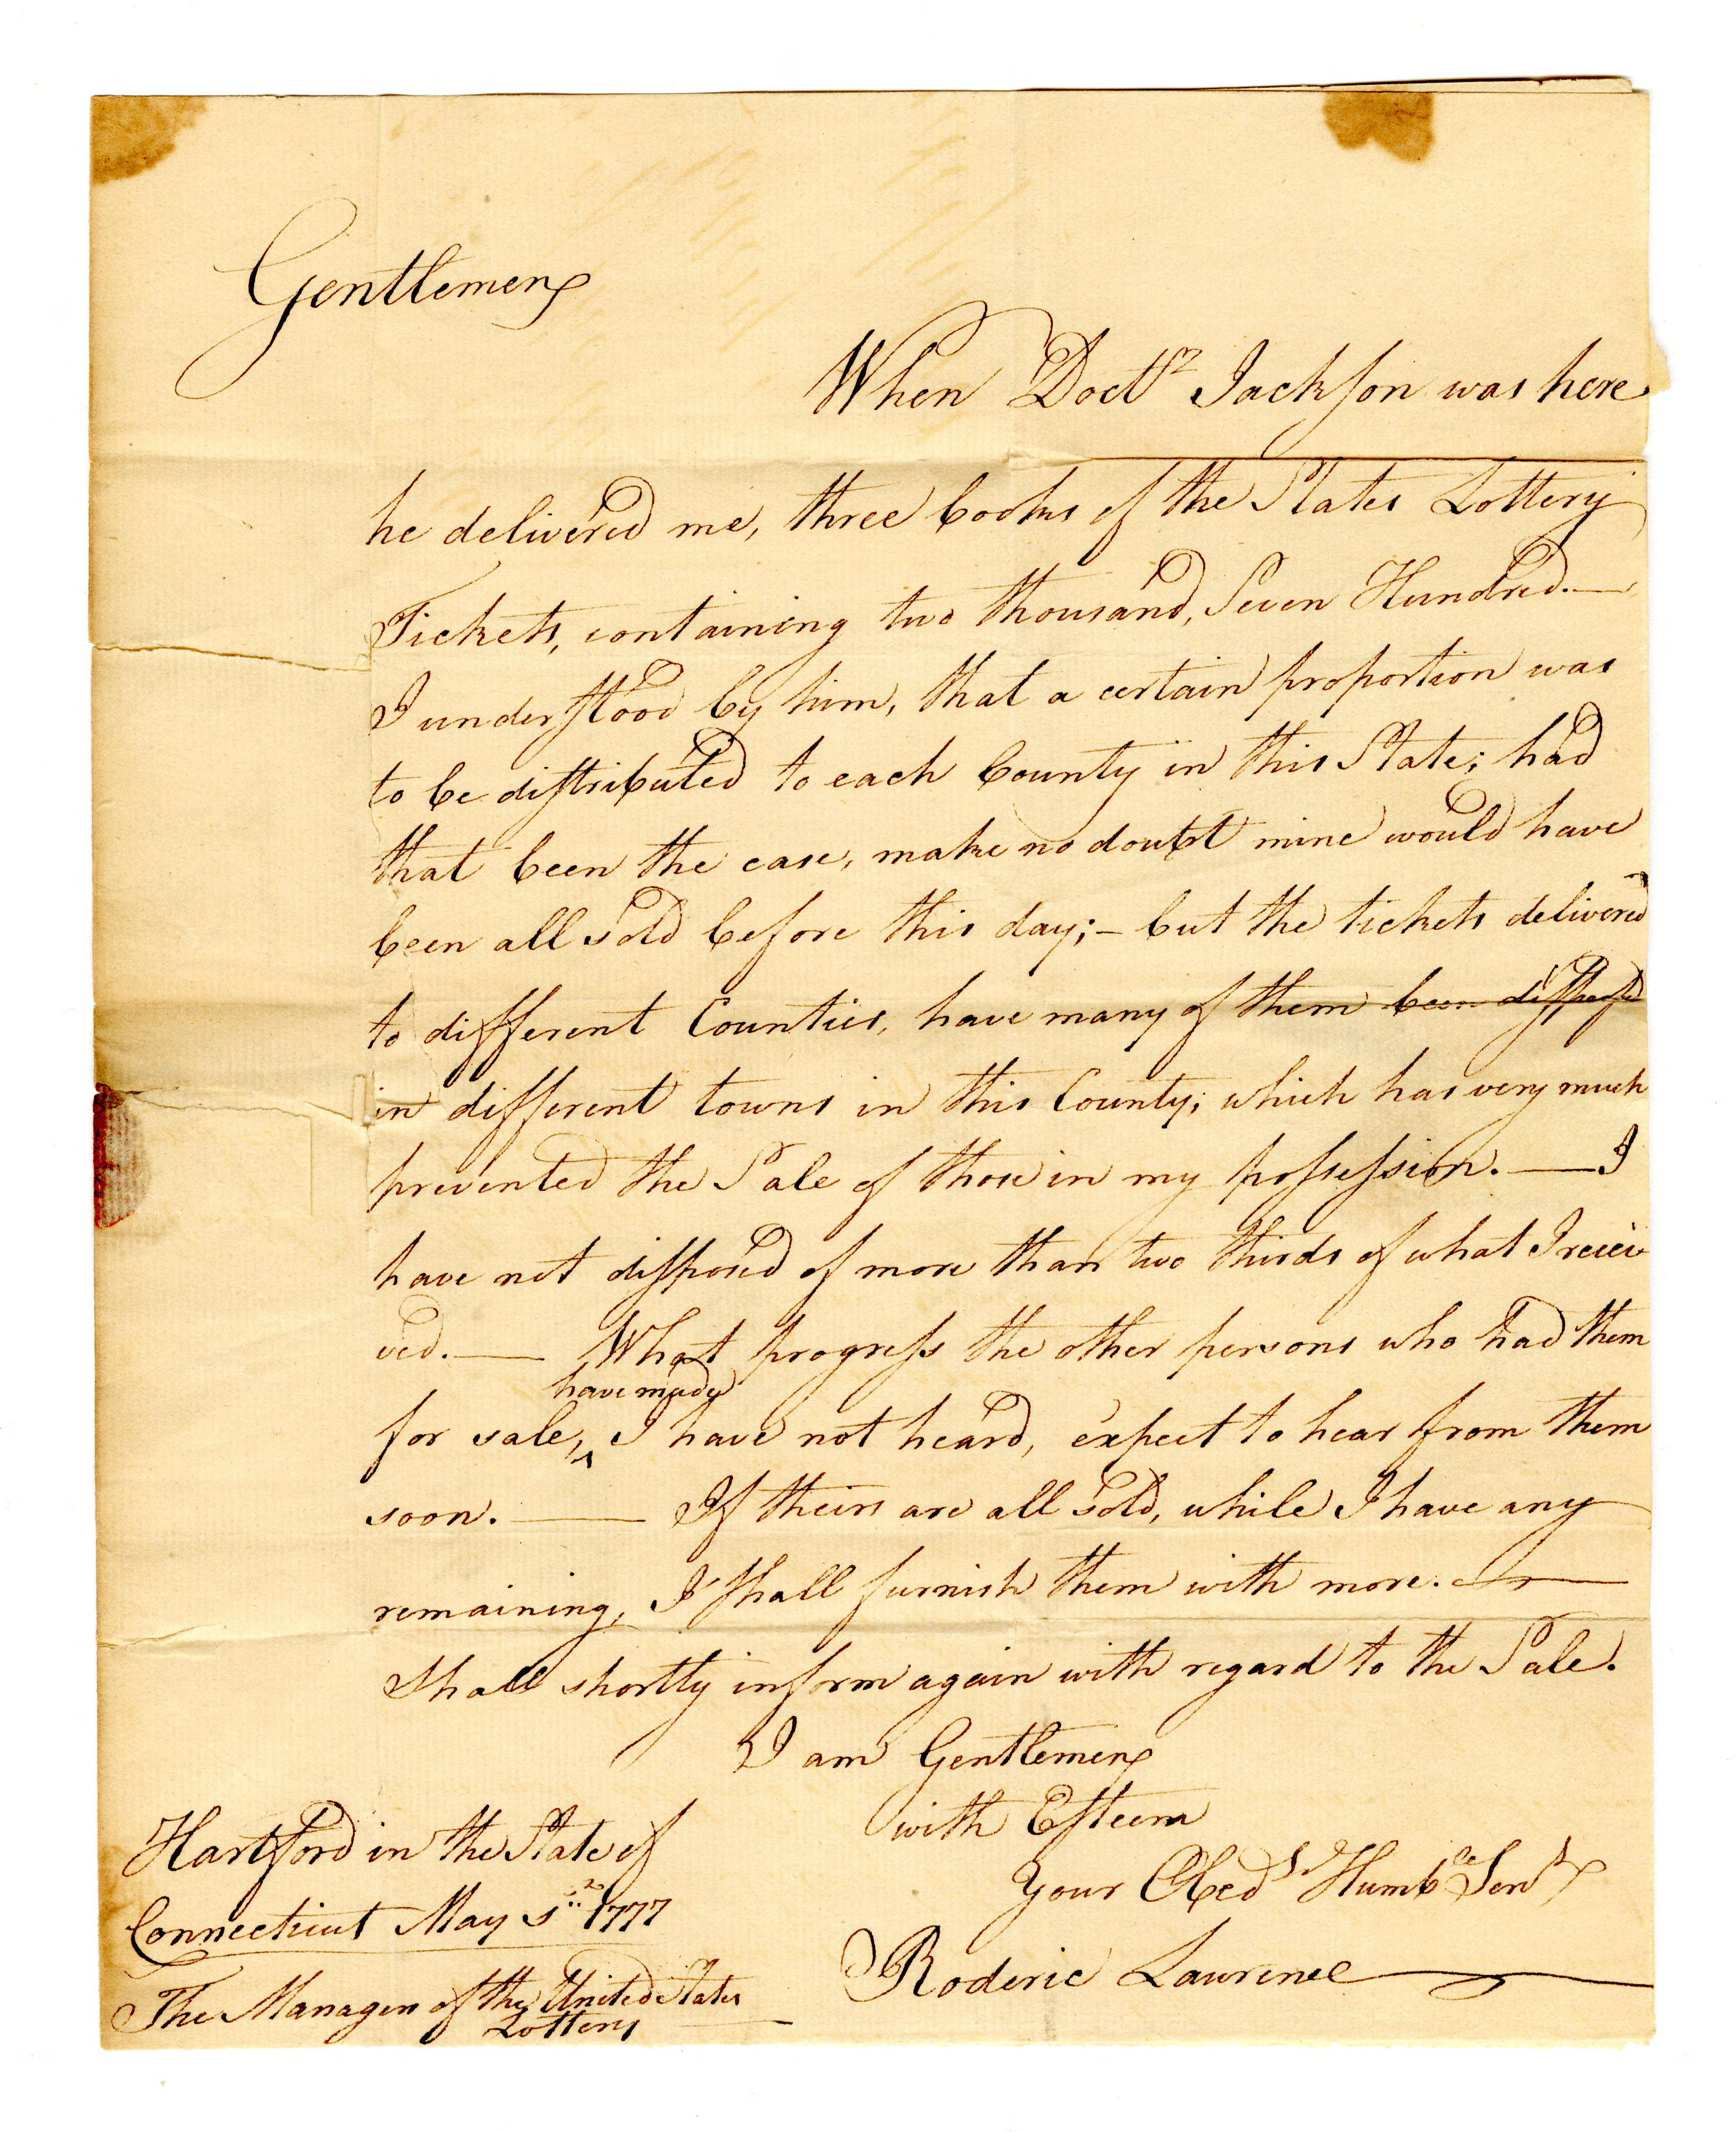Gentlemen
When Doct^r Jackson was here
he delivered me, three books of the States Lottery
Ticket, containing two thousand, seven Hundred.-
I understood by him, that a certain proportion was
to be distributed to each county in this State; had
that been the case, make no doubt mine would have
been all sold before this day;- but the tickets delivered
to different counties have many of them been dispersed
in different towns in this County; which has very much
prevented the Sale of those in my possession.- I
have not disposed of more than two thirds of what I recei-
ved.- What progress the other the other persons who had them
have made
for sale, ^ I have not heard expect to hear from them
soon.- If theirs are all sold, while I have any
remaining, I shall furnish them with more.-
Shall shortly inform again with regard to the Sale.
I am Gentlemen
with Esteem
Your Obed^t. Humb^le Serv^t
Roderic Lawrence
Hartford in the State of
Connecticut May 1^st. 1777
The Managers of the United States
Lottery